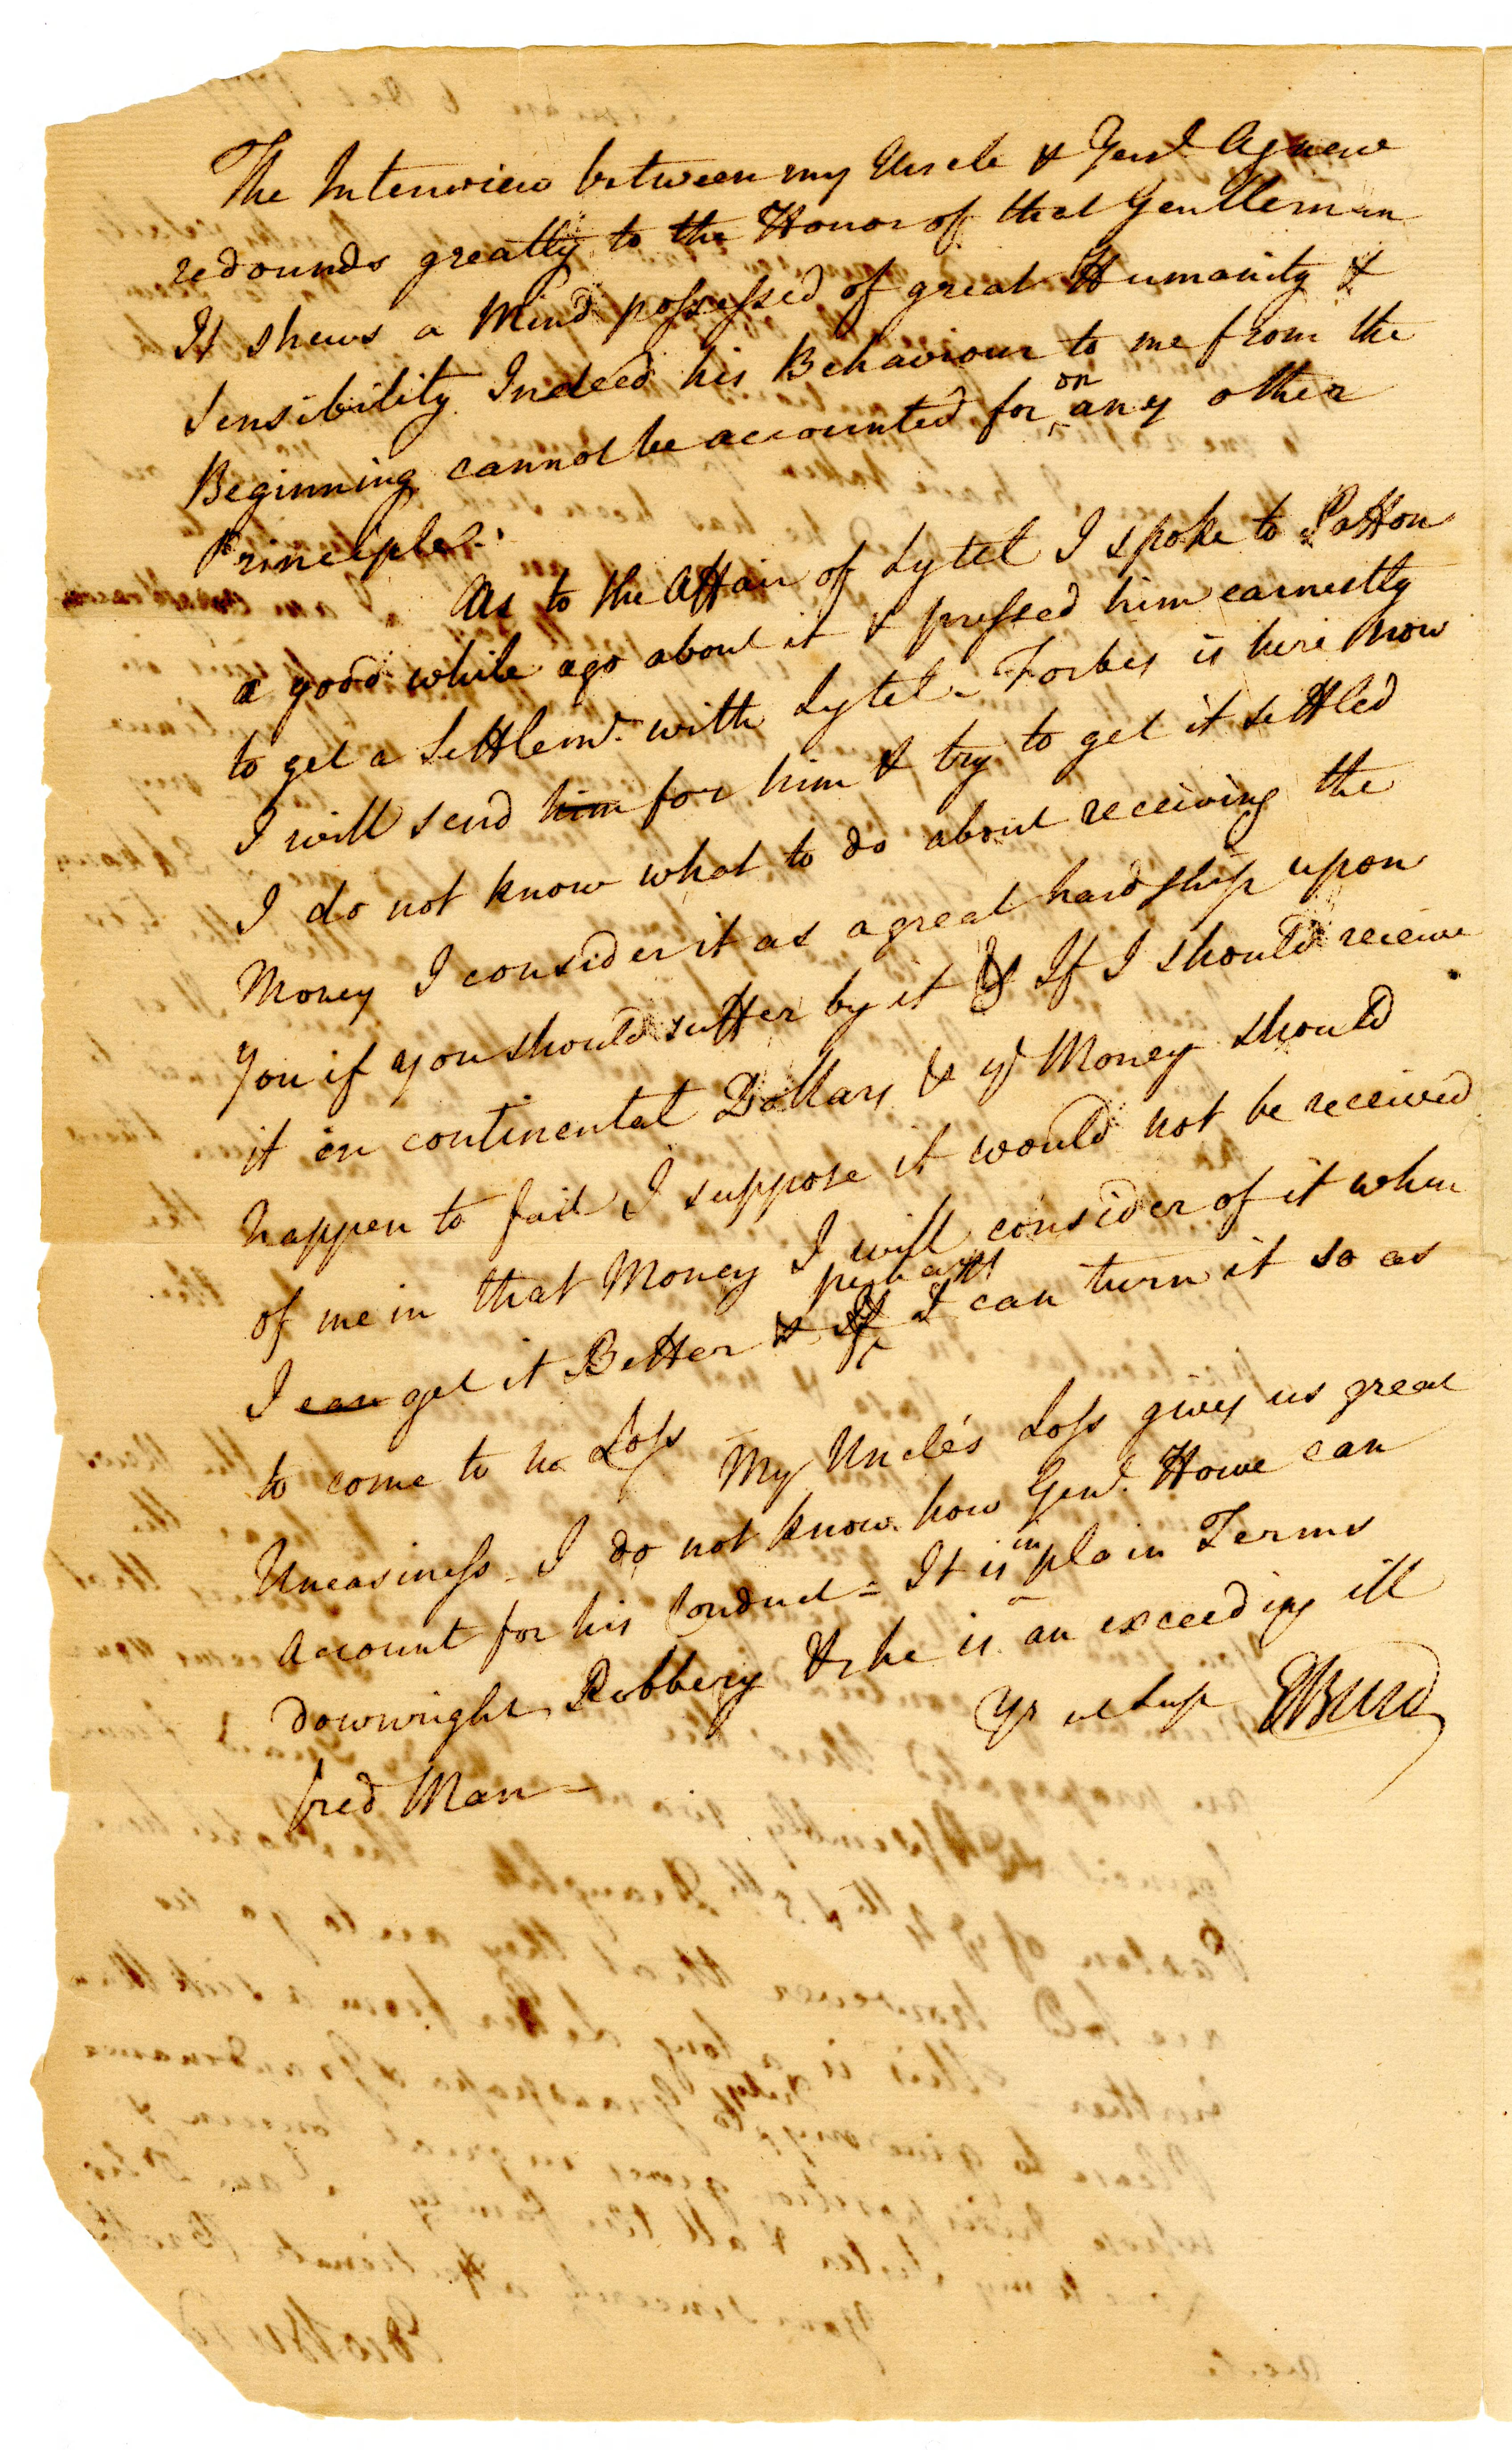The Interview between my Uncle & Gen^l Agaence
redounds greatly to the Honor of that Gentleman
It shews a Mind possessed of great Humanity &
Sensibility. Indeed his Behaviour to me from the
on
Beginning cannot be accounted for ^ any other
Principle.
As to the Affair of Lytel I spoke to Patton
a good while ago about it & pressed him earnestly
to get a Settlem^t. with Lytel. Forbes is here now
I will send him for him & beg to get it settled
I do not know what to do about receiving the
Money I consider it as a great hardship upon
You if you should suffer by it & If I should receive
it in continental Dollars & y^e Money should
happen to fail I suppose it would not be received
of me in that Money I will consider of it where
purchase
I can get it Better & ^ if it can turn it so as
to come to no Loss
My Uncle's Loss gives us great
Uneasiness. I do not know how Gen^l Howe can
Account for his Conduct- It is ^in plain Terms
downright Robbery & he is an exceeding ill
bred Man-
Y^r always
E Burd